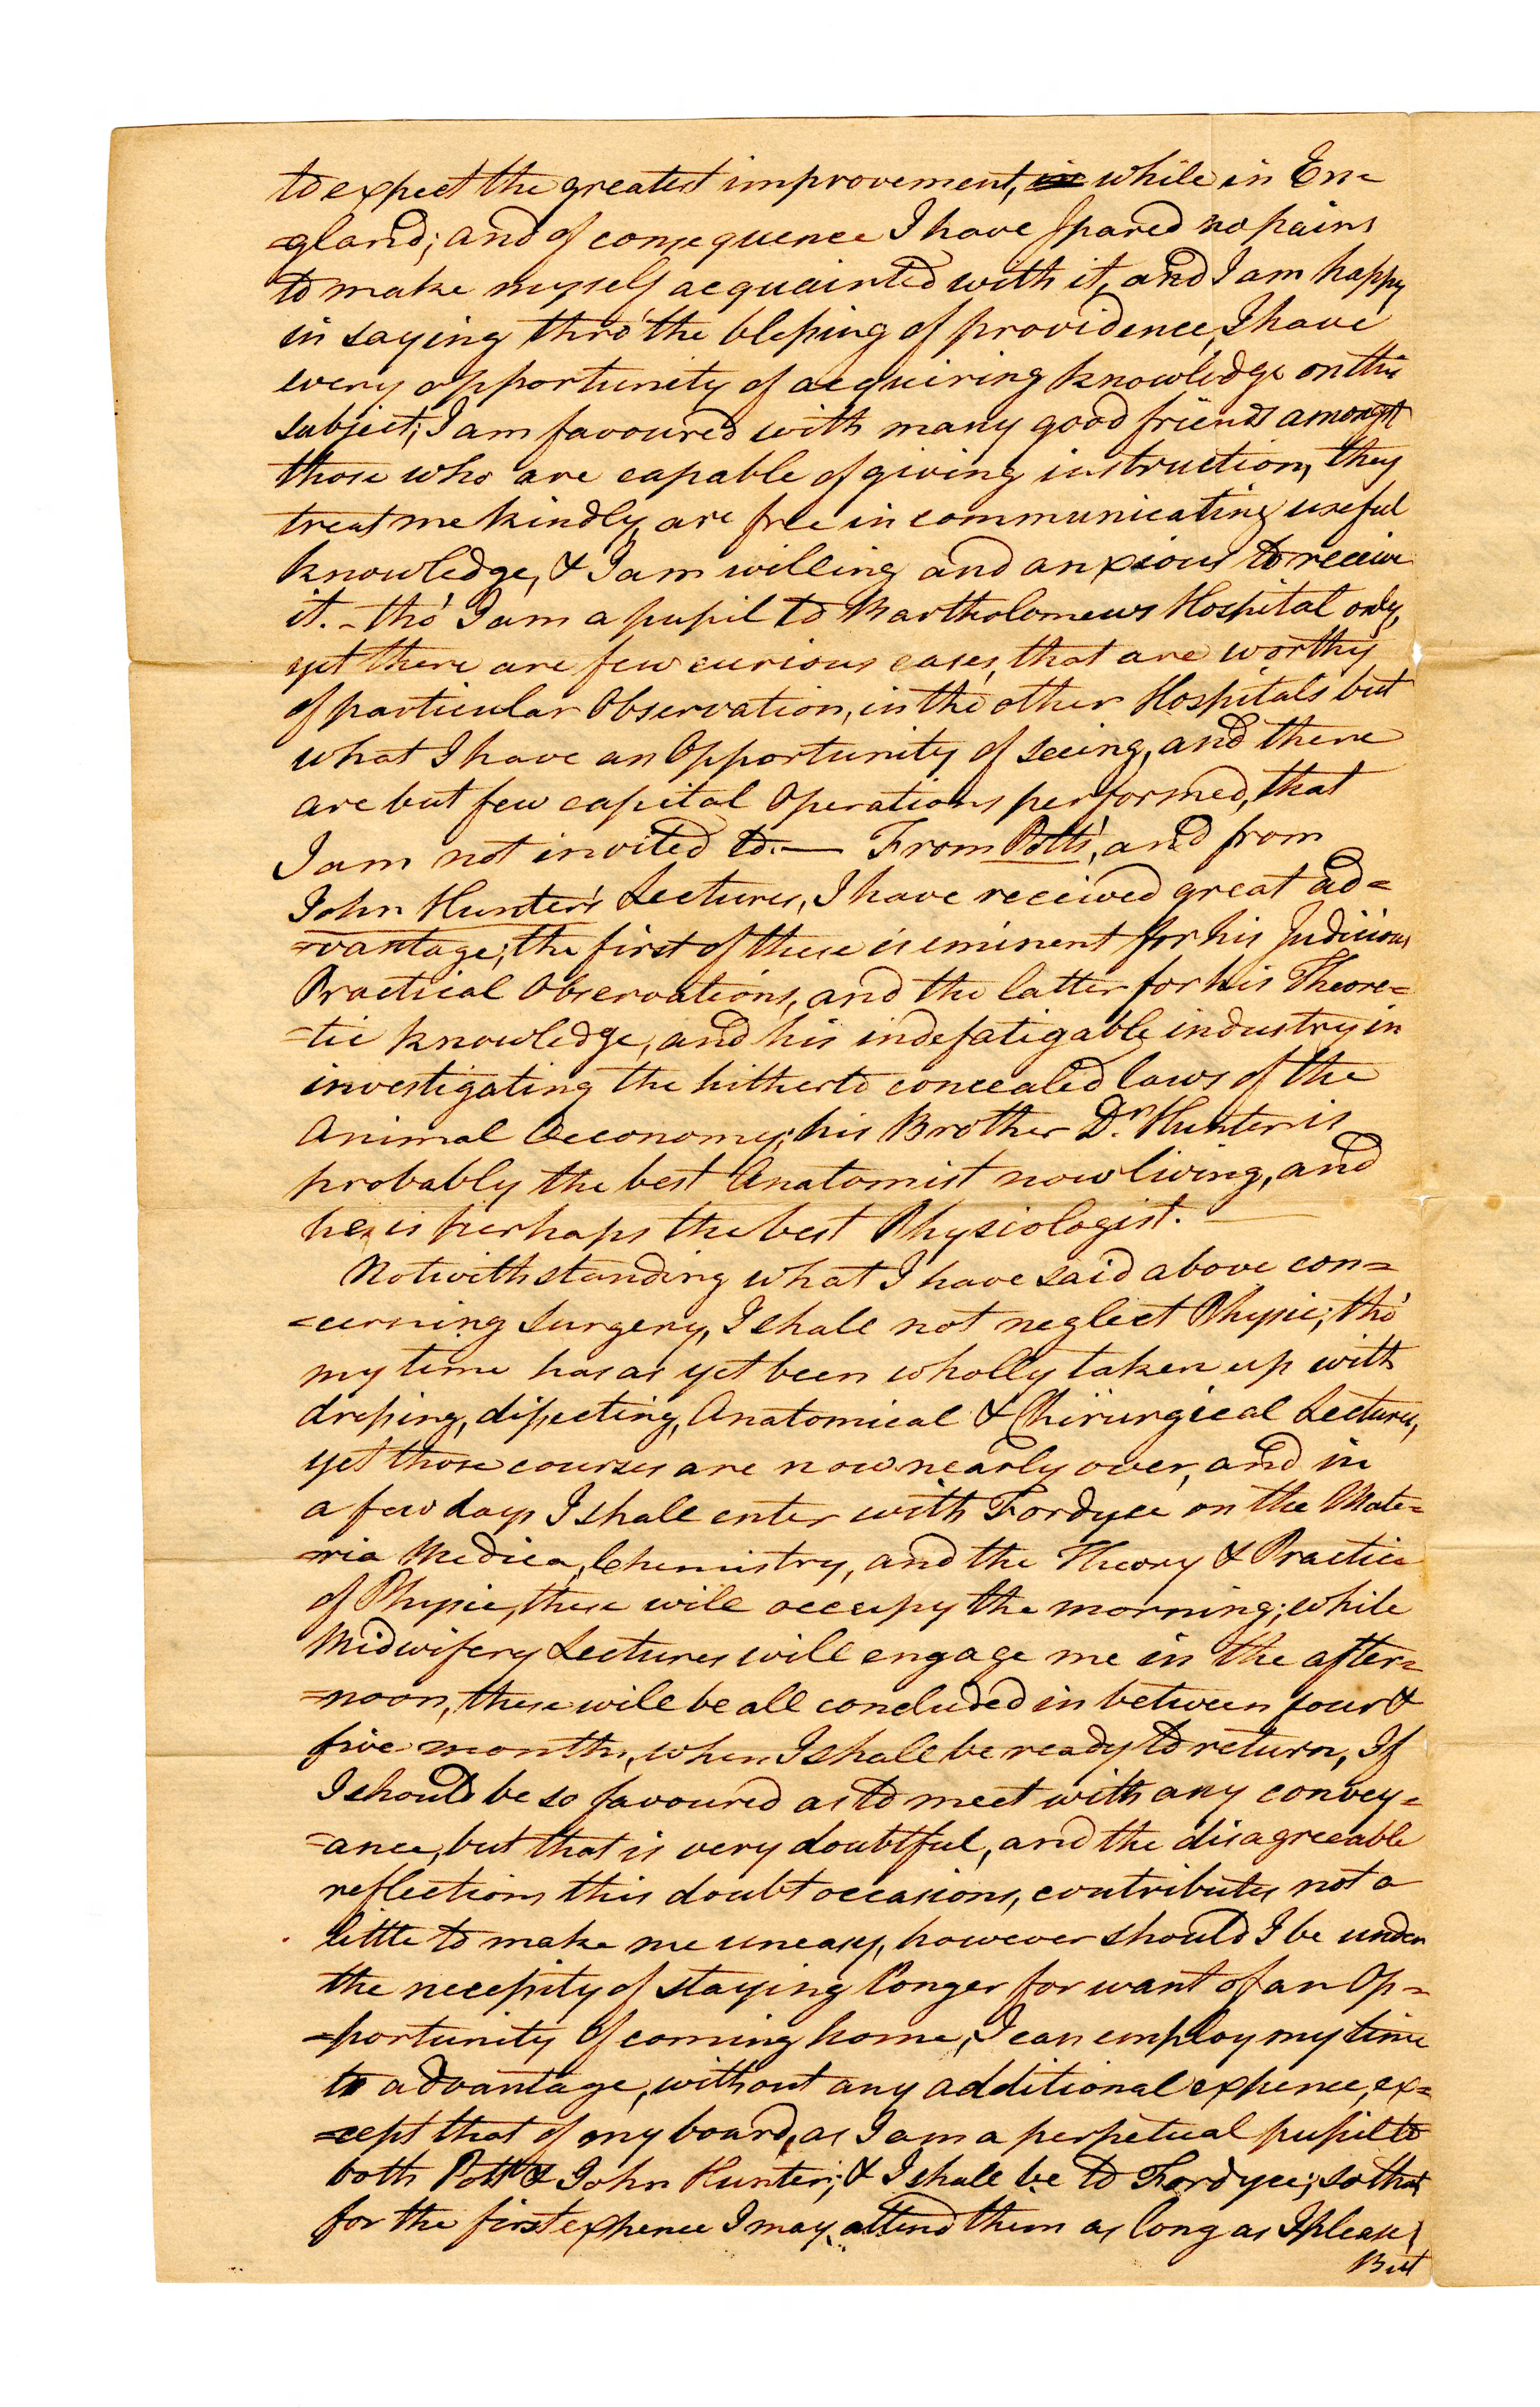to expect the greatest improvement, while in En-
-gland; and of consequence I have spared no pains
to make myself acquainted with it, and I am happy
in saying thro' the blessing of providence, I have
every opportunity of acquiring knowledge on this
subject; I am favoured with many good friends amongst
those who are capable of giving instruction, they
treat me kindly, are free in communicating useful
knowledge, & I am willing and anxious to receive
it.- tho' I am a pupil to Bartholomews Hospital only,
yet there are few curious cases that are worthy
of particular Observation, in the other Hospitals but
what I have an Opportunity of seeing, and there
are but few capital Operations performed, that
I am not invited to- From Potts', and from
John Hunters' Lectures, I have received great ad-
-vantage; the first of these is eminent for his Judicious
Practical Observations, and the latter for his Theore-
-tic knowledge, and his indefatigable industry in
investigating the hitherto concealed laws of the
Animal Oeconomy; his Brother D^r. Hunter is
probably the best Anatomist now living, and
he is perhaps the best Physiologist.
Notwithstanding what I have said above con-
-cerning Surgery, I shall not neglect Physic; tho'
my time has as yet been wholly taken up with
dressing, dissecting, Anatomical & Chirurgical Lectures,
yet those courses are now nearly over, and in
a few days I shall enter with Fordyce on the Mate-
-ria Medica, Chemistry, and the Theory & Practice
of Physic, these will occupy the morning; while
Midwifery Lectures will engage me in the after-
-noon, these will be all concluded in between four &
five months, when I shall be ready to return, If
I should be so favoured as to meet with any convey-
-ance, but that is very doubtful, and the disagreeable
reflections this doubt occasions, contributes not a
little to make me uneasy, however should I be under
the necessity of staying longer for want of an Op-
-portunity of coming home, I can employ my time
to advantage, without any additional expence, ex-
-cept that of my board, as I am a perpetual pupil to
both Potts & John Hunter; & I shall be to Fordyce; so that
for the first expence I may attend them as long as I please,
But